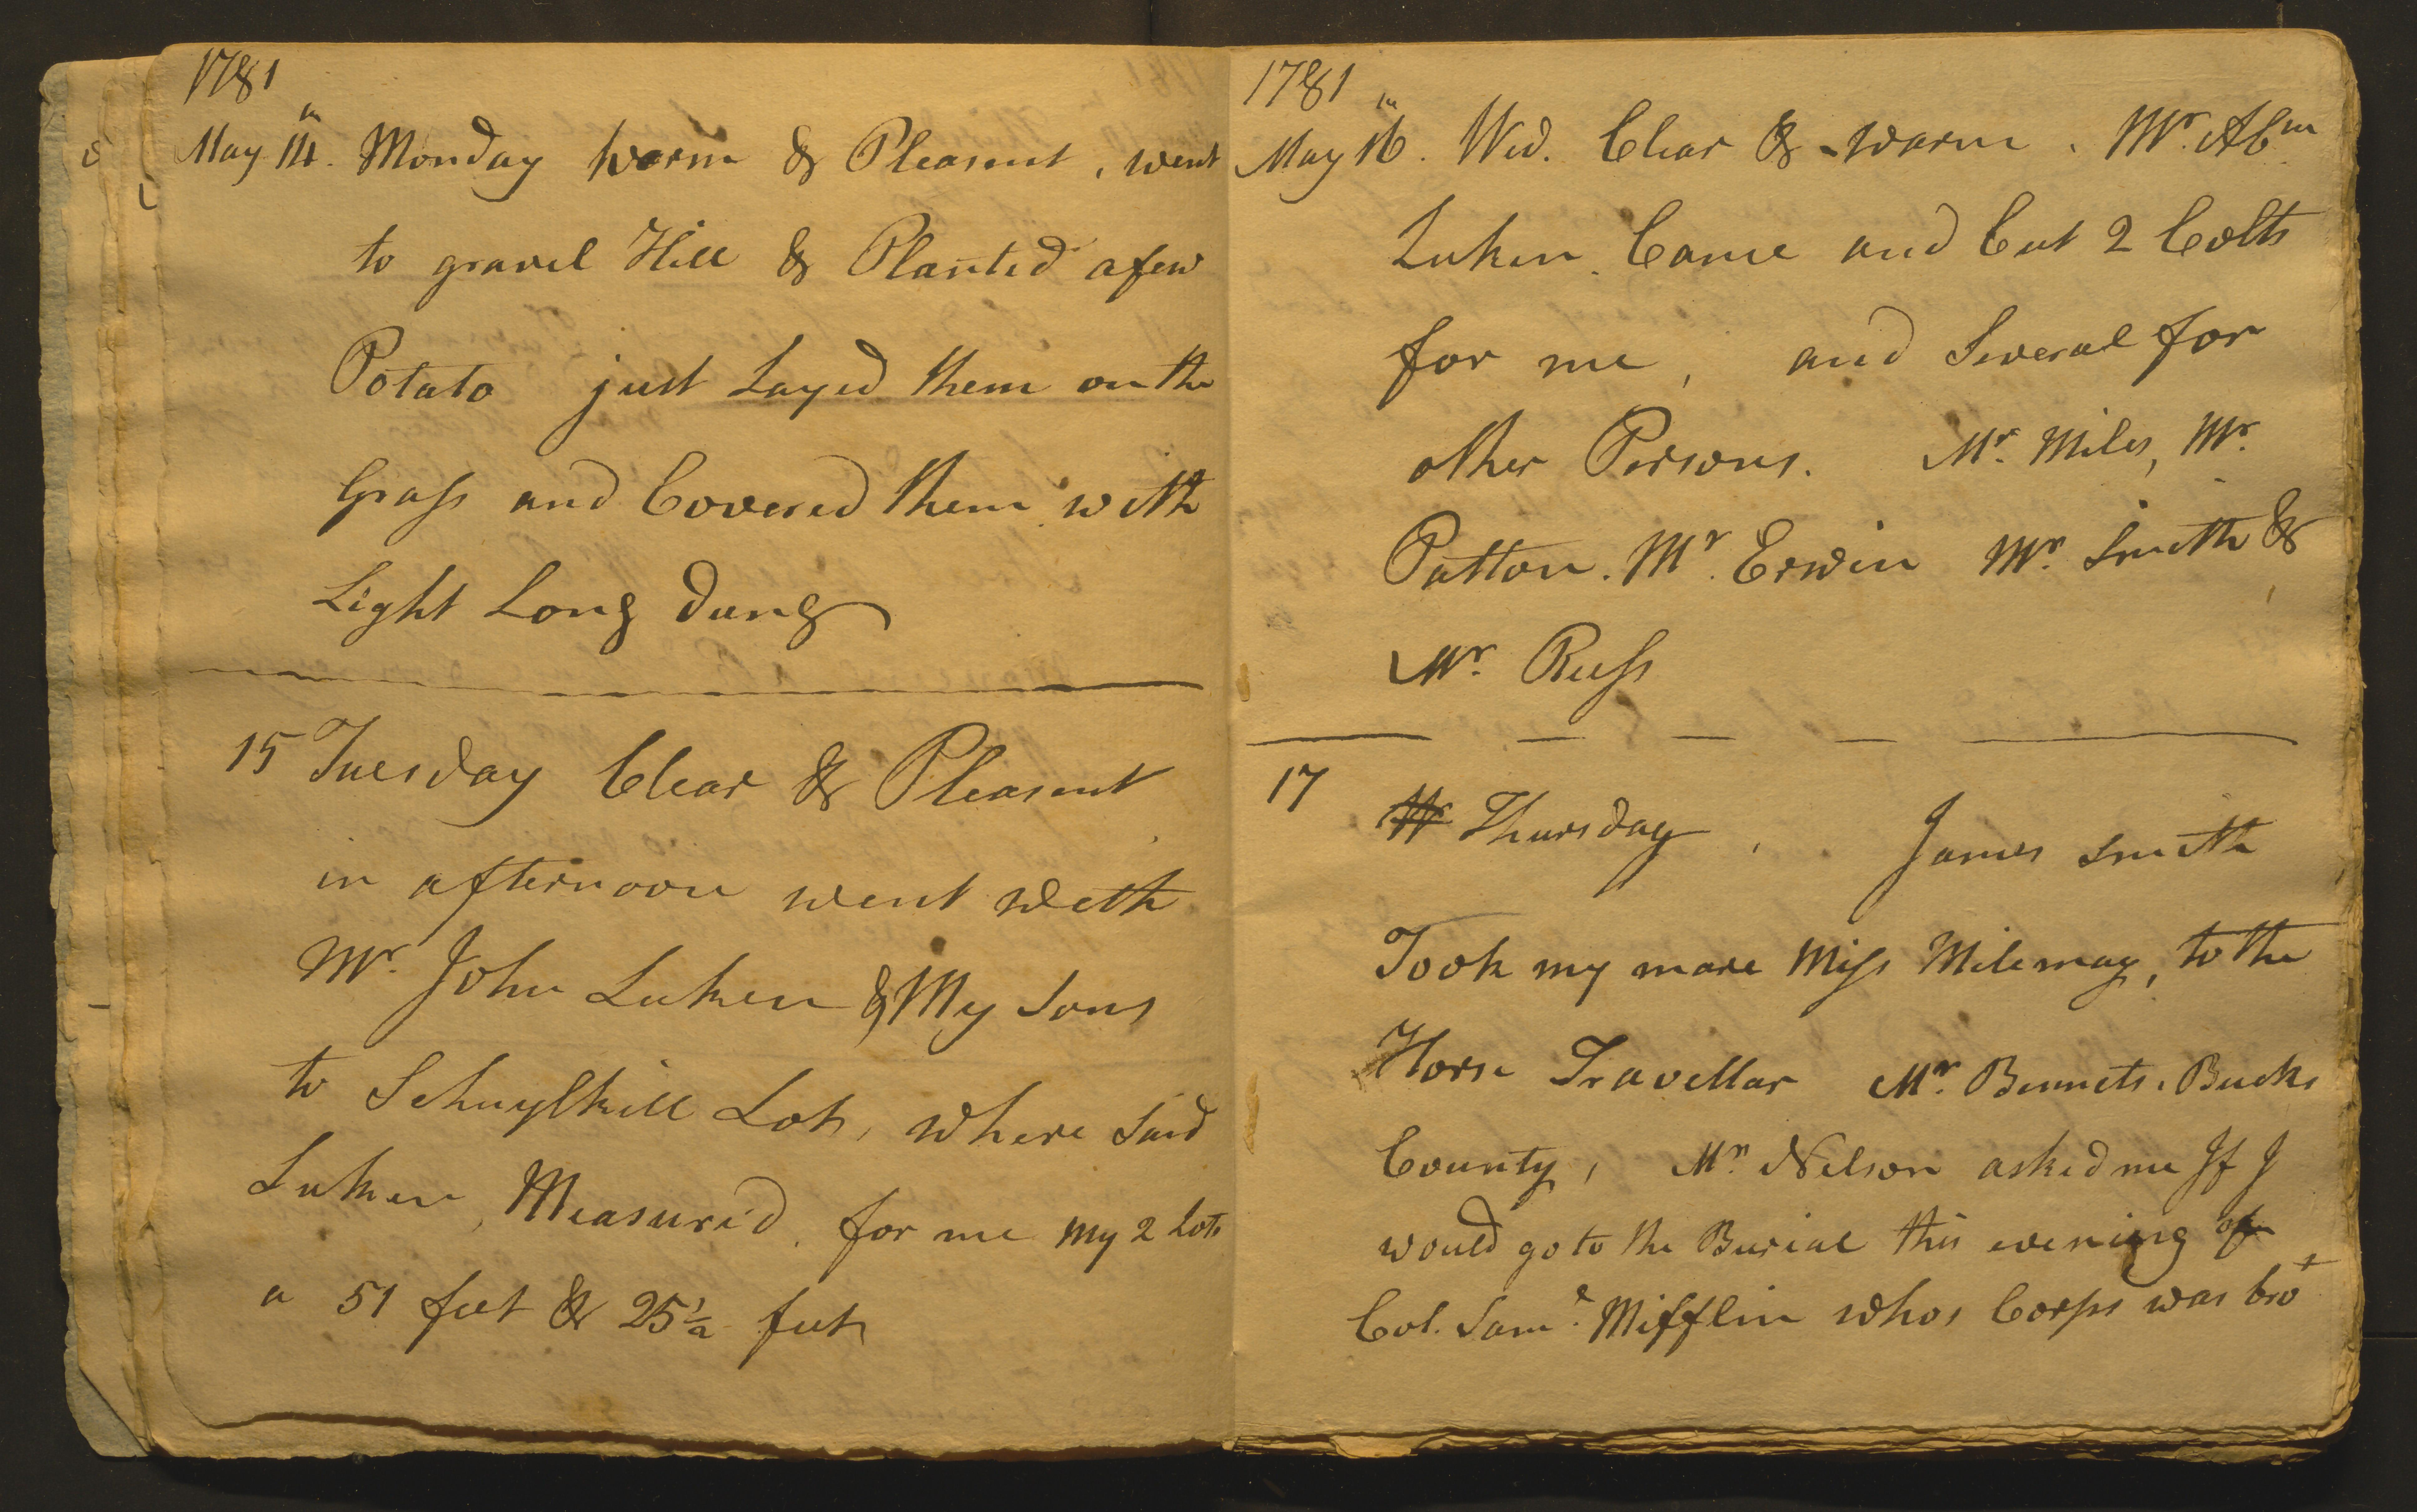1781
May 14^th. Monday warm & Pleasent, went
to gravel Hill & Planted a few
Potato just Layed them on the
Grass and Covered them with
Light Long dung
15 Tuesday Clear & Pleasent
in afternoon went with
M^r. John Luken & My Sons
to Schuylkill Lot, where said
Luken Measured. for me my 2 Lots
a 51 feet & 25 1/2 feet
1781
May 16^th. Wed. Clear & Warm. M^r. Ab^m.
Luken Came and Cut 2 Colts
for me, and Several for
other Persons, M^r. Miles M^r.
Patton. M^r. Erwin M^r. Smith &
M^r. Reess
17 [W] Thursday, James smith
Took my mare Miss Milemay to the
Horse Travellar M^r. Bennets, Bucks
County, M^r. Nelson asked me If I
would go to the Burial this evening of
Col. Sam^l. Mifflin whos Corps was bro^t